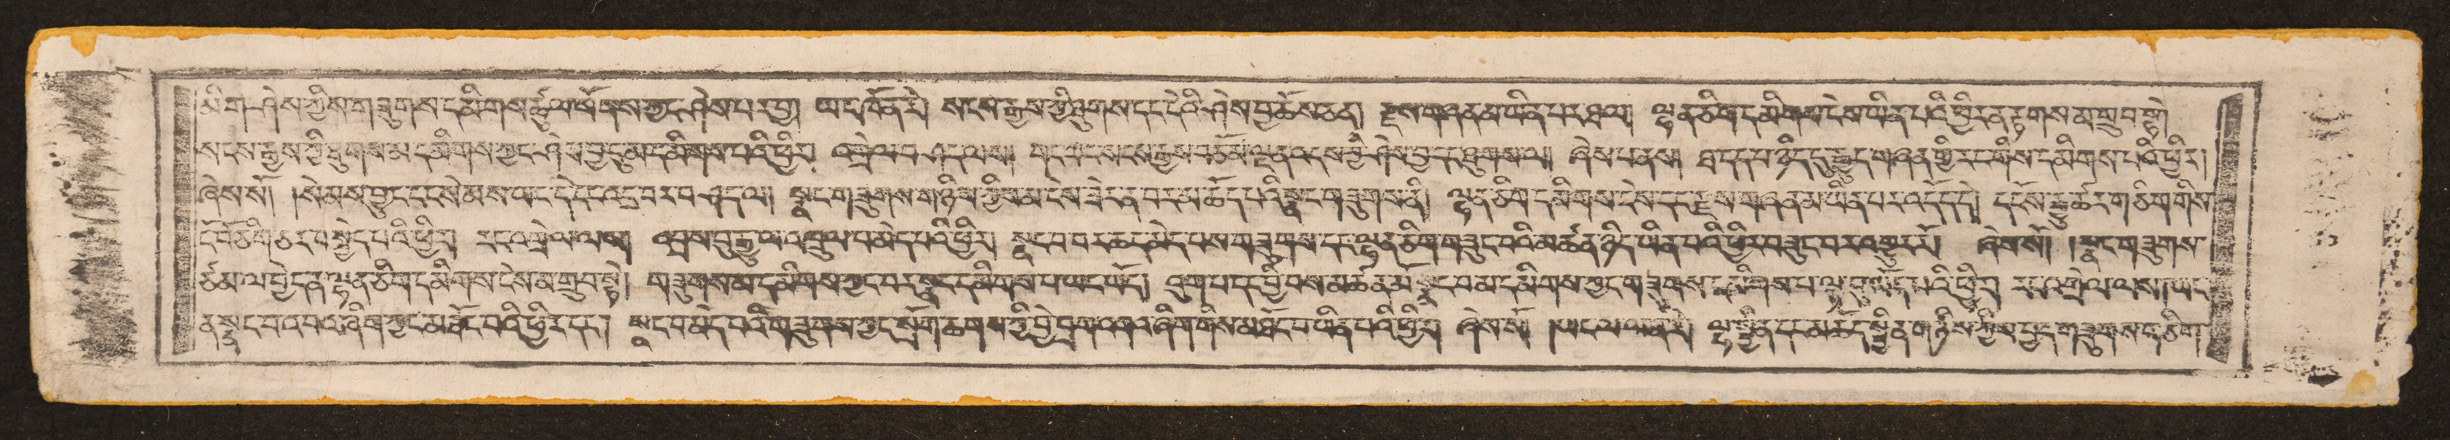མིག་ཤེས་ཀྱིས་གཟུགས་དམིགས་ཚུལ་སོགས་ཀྱང་ཤེས་པར་བྱ། ཡང་ཁོ་ན་རེ། སངས་རྒྱས་ཀྱི་ཐུགས་དང་དེའི་ཤེས་བྱ་ཆོས་ཅན། རྫས་གཞན་མ་ཡིན་པར་ཐལ། ལྷན་ཅིག་དམིགས་ངེས་ཡིན་པའི་ཕྱིར་ན་རྟགས་མ་གྲུབ་སྟེ།
སངས་རྒྱས་ཀྱི་ཐུགས་མ་དམིགས་ཀྱང་ཤེས་བྱ་དུ་མ་དམིགས་པའི་ཕྱིར། འགྲེལ་བཤད་ལས། གང་ཡང་སངས་རྒྱས་བཅོམ་ལྡན་འདས་ཀྱི་ཤེས་བྱ་དང་ཐུགས་ལ། ཞེས་པ་ནས། ཐ་དད་པ་ཉིད་དུ་རྒྱུད་གཞན་གྱི་རང་གིས་དམིགས་པའི་ཕྱིར།
ཞེས་སོ། །སེམས་བྱུང་ངང་སེམས་ཡང་དེ་དང་འདྲ་བར་བཤད་ལ། སྣང་གཟུགས་གཉིས་ཀྱིས་མ་ངེས་ཟེར་ན་བར་མཆོད་པའི་སྣང་གཟུགས་ནི། ལྷན་ཅིག་དམིགས་ངེས་དང་རྫས་གཞན་མ་ཡིན་པར་འདོད་དེ། དངོས་རྒྱུ་ཚར་གཅིག་གིས་
ངོ་བོ་ཅིག་ཅར་བསྐྱེད་པའི་ཕྱིར། རང་འགྲེལ་ལས། འབྲས་བུ་རྒྱུ་ལ་འཁྲུལ་པ་མེད་པའི་ཕྱིར། སྣང་བ་བར་ཆད་མེད་པས་གཟུགས་དང་ལྷན་ཅིག་གཟུང་བའི་མཚན་ཉིད་ཡིན་པའི་ཕྱིར་བཟུང་བར་འགྱུར་རོ། ཞེས་སོ། །སྣང་གཟུགས་
ཙམ་ལ་བྱེད་ན་ལྷན་ཅིག་དམིགས་ངེས་མ་གྲུབ་སྟེ། གཟུགས་མ་དམིགས་ཀྱང་བར་སྣང་དམིགས་པ་ཡང་ཡོད། འུག་པ་དང་བྱི་པས་མཚན་མོ་སྣང་བ་མ་དམིགས་ཀྱང་གཟུགས་དམིགས་པ་ལྟ་བུ་ཡོད་པའི་ཕྱིར། རང་འགྲེལ་ལས། ཡང་
ན་སྣང་བའི་འབའ་ཞིག་ཀྱང་མཐོང་བའི་ཕྱིར་དང་། སྣང་བ་མེད་པའི་གཟུགས་ཀྱང་སྲོག་ཆགས་ཀྱི་བྱེ་བྲག་འགའ་ཞིག་གིས་མཐོང་བ་ཡིན་པའི་ཕྱིར། ཞེས་སོ། །ཡང་ལ་ལ་ན་རེ། ལྷ་སྦྱིན་དང་མཆོད་སྦྱིན་གཉིས་ཀྱིས་བྱད་གཟུགས་གཅིག་